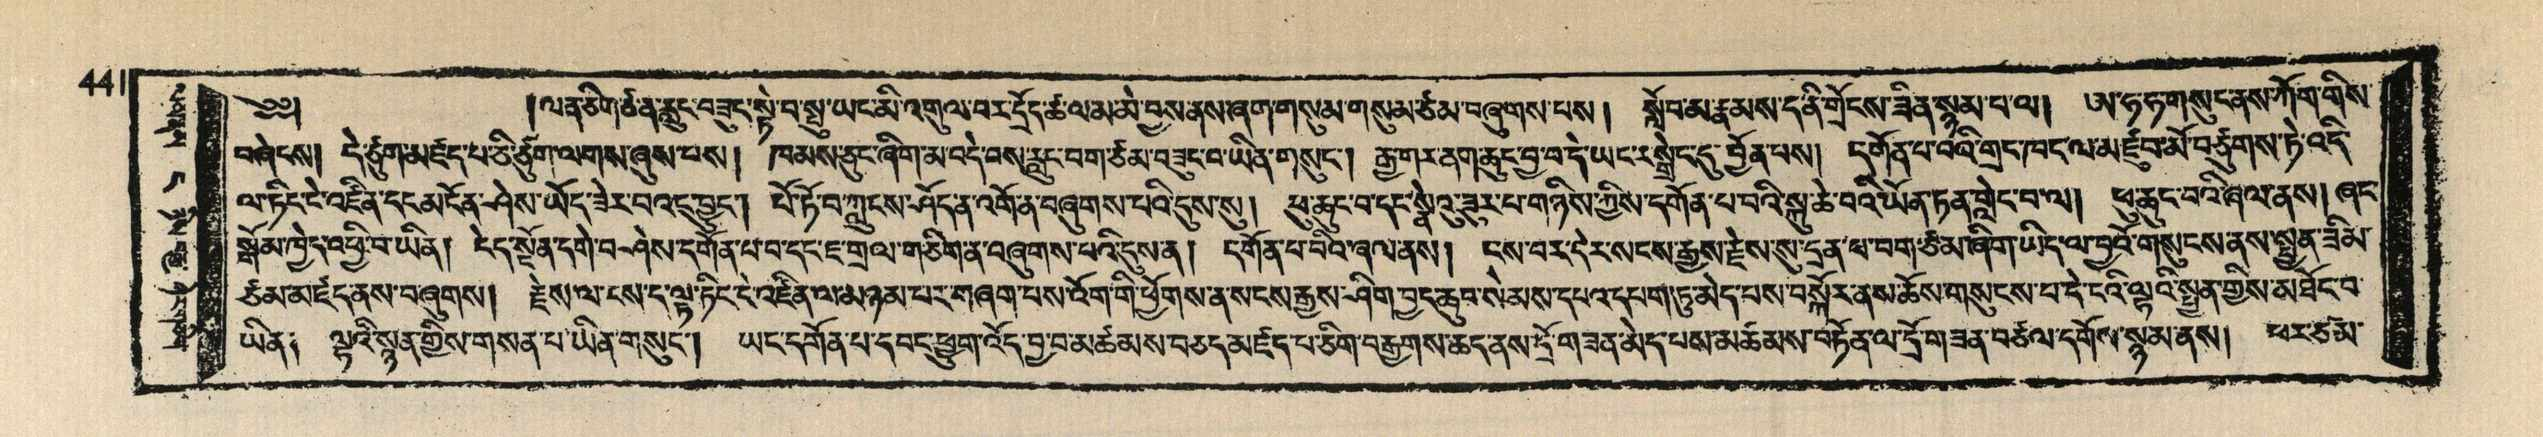༄༅། །ལན་ཅིག་ཙ་ན་རླུང་བཟུང་སྟེ་བ་སྤུ་ཡང་མི་འགུལ་བར་དྲོད་ཚ་ལམ་མེ་བྱས་ནས་ཞག་གསུམ་གསུམ་ཙམ་བཞུགས་པས། སློབ་མ་རྣམས་ད་ནི་གྲོངས་ཟིན་སྙམ་པ་ལ། ཨ་ཧ་ཧ་གསུང་ནས་ཀོག་གིས་
བཞེངས། དེ་ཙུག་མཛད་པ་ཅི་ཙུག་ལགས་ཞུས་པས། ཁམས་ཅུང་ཞིག་མ་བདེ་བས་རླུང་བག་ཙམ་བཟུང་བ་ཡིན་གསུང་། རྒྱ་གར་ནག་ཆུང་བྱ་བདེ་ཡང་ར་སྒྲེང་དུ་བྱོན་པས། དགོན་པ་བའི་གྲང་ཁང་ལ་མཛུབ་མོ་བཙུགས་ཏེ་འདི་
ལ་ཏིང་ངེ་འཛིན་དང་མངོན་ཤེས་ཡོད་ཟེར་བའང་བྱུང་། པོ་ཏོ་བ་ཀླུངས་ཤོད་ན་འགོ་ན་བཞུགས་པའི་དུས་སུ། ཕུ་ཆུང་བ་དང་སྣེའུ་ཟུར་པ་གཉིས་ཀྱིས་དགོན་པ་བའི་སྐུ་ཆེ་བའི་ཡོན་ཏན་གླེང་བ་ལ། ཕུ་ཆུང་བའི་ཞལ་ནས། ཞང་
སྒོམ་ཁྱེད་འཕྱི་བ་ཡིན། ངེད་སྔོན་དགེ་བ་ཤེས་དགོན་པ་བ་དང་ཇ་གྲལ་གཅིག་ན་བཞུགས་པའི་དུས་ན། དགོན་པ་བའི་ཞལ་ནས། ངས་བར་དེར་སངས་རྒྱས་རྗེས་སུ་དྲན་པ་བག་ཙམ་ཞིག་ཡིད་ལ་བྱའོ་གསུངས་ནས་སྤྱན་ཟིམ་
ཙམ་མཛད་ནས་བཞུགས། རྗེས་ལ་ངས་ད་ལྟ་ཏིང་ངེ་འཛིན་ལ་མཉམ་པར་གཞག་པས་འོག་གི་ཕྱོགས་ན་སངས་རྒྱས་ཤིག་བྱང་ཆུབ་སེམས་དཔའ་དཔག་ཏུ་མེད་པས་བསྐོར་ནས་ཆོས་གསུངས་པ་དེ་ངའི་ལྷའི་སྤྱན་གྱིས་མཐོང་བ་
ཡིན༑ ལྷའི་སྙན་གྱིས་གསན་པ་ཡིན་གསུང་། ཡང་དགོན་པ་དབང་ཕྱུག་འོད་བྱ་བ་མཚམས་བཅད་མཛད་པ་ཅིག་བརྒྱགས་ཆད་ནས་དྲོ་གཟན་མེད་པས་མཚམས་བཏོན་ལ་དྲོ་གཟན་བཙལ་དགོས་སྙམ་ནས། ཕར་ཙམ་